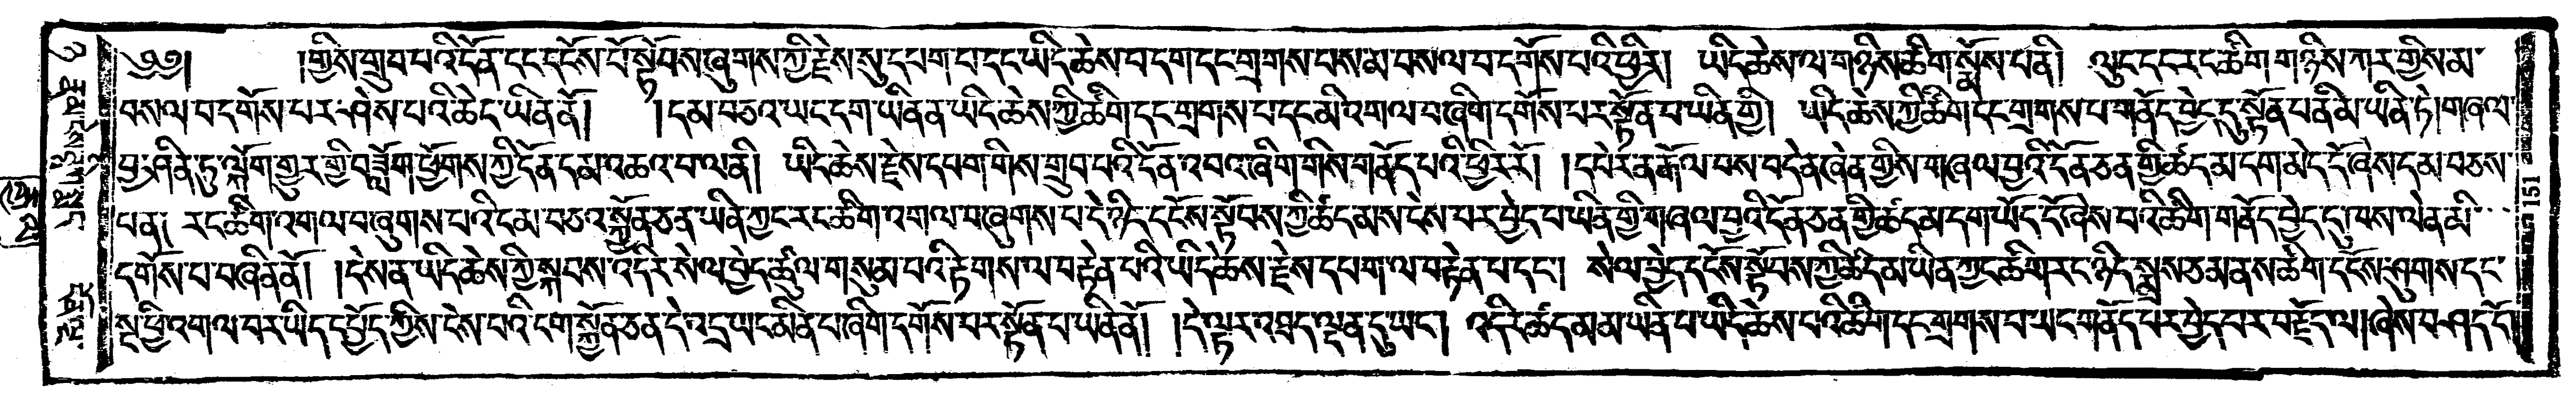༄༅། །གྱིས་གྲུབ་པའི་དོན་དང་དངོས་པོ་སྟོབས་ཞུགས་ཀྱི་རྗེས་སུ་དཔག་པ་དང་ཡིད་ཆེས་བ་དག་དང་གྲགས་པས་མ་བསལ་བ་དགོས་པའི་ཕྱིར། ཡིད་ཆེས་ལ་གཉིས་ཚིག་སྨོས་པ་ནི། ལུང་དང་རང་ཚིག་གཉིས་ཀར་གྱིས་མ་
བསལ་བ་དགོས་པར་ཤེས་པའི་ཆེད་ཡིན་ནོ། །དམ་བཅའ་ཡང་དག་ཡིན་ན་ཡིད་ཆེས་ཀྱི་ཚིག་དང་གྲགས་པ་དང་མི་འགལ་བ་ཞིག་དགོས་པར་སྟོན་པ་ཡིན་གྱི། ཡིད་ཆེས་ཀྱི་ཚིག་དང་གྲགས་པ་གནོད་བྱེད་དུ་སྟོན་པ་ནི་མ་ཡིན་ཏེ། གཞལ་
བྱ་ཤིན་ཏུ་ལྐོག་གྱུར་གྱི་བཟློག་ཕྱོགས་ཀྱི་དོན་དམ་འཆའ་བ་ལ་ནི། ཡིད་ཆེས་རྗེས་དཔག་གིས་གྲུབ་པའི་དོན་འབའ་ཞིག་གིས་གནོད་པའི་ཕྱིར་རོ། །དཔེར་ན་རྒོལ་བས་བདེན་ཞེན་གྱིས་གཞལ་བྱའི་དོན་ཅན་གྱི་ཚད་མ་དག་མེད་དོ་ཞེས་དམ་བཅས་
པ་ན༑ རང་ཚིག་འགལ་བཞུགས་པའི་དམ་བཅའ་སྐྱོན་ཅན་ཡིན་ཀྱང་རང་ཚིག་འགལ་བ་ཞུགས་པ་དེ་ཉིད་དངོས་སྟོབས་ཀྱི་ཚད་མས་ངེས་པར་བྱེད་པ་ཡིན་གྱི་གཞལ་བྱའི་དོན་ཅན་གྱི་ཚད་མ་དག་ཡོད་དོ་ཞེས་པའི་ཚིག་གནོད་བྱེད་དུ་ཁས་ལེན་མི་
དགོས་པ་བཞིན་ནོ། །དེས་ན་ཡིད་ཆེས་ཀྱི་སྐབས་འདིར་སེལ་བྱེད་ཚུལ་གསུམ་པའི་རྟགས་ལ་བརྟེན་པའི་ཡིད་ཆེས་རྗེས་དཔག་ལ་བརྟེན་པ་དང་། སེལ་བྱེད་དངོས་སྟོབས་ཀྱི་ཚད་མ་ཡིན་ཀྱང་ཚིག་རང་ཉིད་སྨྲས་ཅམ་ནས་ཚིག་དངོས་ཤུགས་དང་
སྔ་ཕྱི་འགལ་བར་ཡིད་དཔྱོད་ཀྱིས་ངེས་པའི་དག་སྐྱོན་ཅན་དེ་འདྲ་ཡང་མིན་པ་ཞིག་དགོས་པར་སྟོན་པ་ཡིན་ནོ། །དེ་ལྟར་འཐད་ལྡན་དུ་ཡང་། འདིར་ཚད་མམ་ཡིན་པ་ཡིད་ཆེས་པའི་ཚིག་དང་གྲགས་པ་ཡང་གནོད་པར་བྱེད་པར་བརྗོད་ལ། ཞེས་བཤད་དོ།